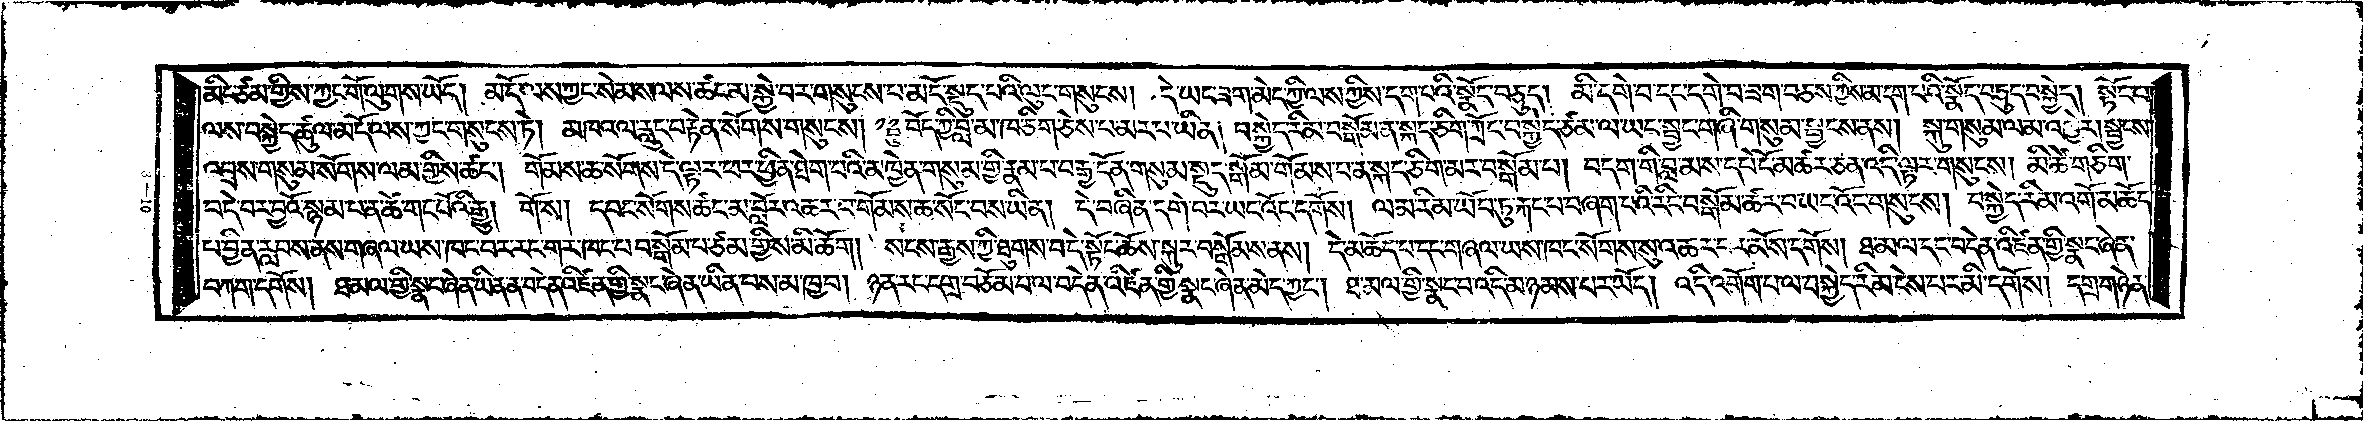མིང་ཙམ་གྱིས་ཀྱང་གོ་ལུགས་ཡོད། མདོ་ལས་ཀྱང་སེམས་ལས་ཚང་མ་སྐྱེ་བར་གསུངས་པ་མདོ་སྡུད་པའི་ལུང་གསུངས། དེ་ཡང་ཟག་མེད་ཀྱི་ལས་ཀྱིས་དག་པའི་སྣོད་བཅུད། མི་དགེ་བ་དང་དགེ་བ་ཟག་བཅས་ཀྱིས་མ་དག་པའི་སྣོད་བཅུད་བསྐྱེད། སྟོང་པ་
ལས་བསྐྱེད་ཚུལ་མདོ་ལས་ཀྱང་གསུངས་ཏེ། མཁའ་ལ་རླུང་བརྟེན་སོགས་གསུངས། ༡༡བ༦་བོད་ཀྱི་བླ་མ་ཁ་ཅིག་ཅེས་པ་མར་པ་ཡིན། བསྐྱེད་རིམ་བསྒོམ་ན་སྐད་ཅིག་ཀྲོང་བསྐྱེད་ཙམ་ལ་ཡང་སྦྱང་གཞི་གསུམ་སྦྱངས་ནས། སྐུ་གསུམ་ལམ་འཁྱེར། སྦྱངས་
འབྲས་གསུམ་སོགས་ལམ་གྱིས་ཚང་། གོམས་ཆ་སོགས་དེ་ལྟར་ཕར་ཕྱིན་ཐེག་པའི་མཁྱེན་གསུམ་གྱི་རྣམ་པ་བརྒྱ་དོན་གསུམ་སྡུད་སྒོམ་གོམས་པ་ན་སྐད་ཅིག་མར་བསྒོམ་པ། བདག་གི་བླ་མས་དཔེ་ངོ་མཚར་ཅན་འདི་ལྟར་གསུངས། མི་ཚེ་གཅིག་
བདེ་བར་བྱའོ་སྙམ་པ་ན་ཚེ་གང་པོའི་རྒྱུ། གོ་ས། དབང་སོགས་ཚང་མ་བློར་འཆར་བ་གོམས་ཆ་སོང་བས་ཡིན། དེ་བཞིན་དགེ་བར་ཡང་འོང་དགོས། ལམ་རིམ་ཡོབ་ཏུ་རྐང་པ་བཞག་པའི་རིང་བསྒོམ་ཚར་བ་ཡང་འོང་གསུངས། བསྐྱེད་རིམ་འོག་མཆོད་
པ་བྱིན་རླབས་ནས་གཞལ་ཡས་ཁང་བར་རང་གར་ཁང་པ་བསྒོམ་པ་ཙམ་གྱིས་མི་ཆོག །སངས་རྒྱས་ཀྱི་ཐུགས་བདེ་སྟོང་ཆོས་སྐུར་བསྒོམས་ནས། དེ་མཆོད་པ་དང་གཞལ་ཡས་ཁང་སོགས་སུ་འཆར་བར་མོས་དགོས། ཐ་མལ་དང་བདེན་འཛིན་གྱི་སྣང་ཞེན་
བཀག་དགོས། ཐ་མལ་གྱི་སྣང་ཞེན་ཡིན་ན་བདེན་འཛིན་གྱི་སྣང་ཞེན་ཡིན་པས་མ་ཁྱབ། ཉན་རང་དགྲ་བཅོམ་པ་ལ་བདེན་འཛིན་གྱི་སྣང་ཞེན་མེད་ཀྱང་། ཐ་མལ་གྱི་སྣང་བ་འདི་མཉམས་པར་ཡོད། འདི་འགོག་པ་ལ་བསྐྱེད་རིམ་ངེས་པར་མི་དགོས། དགྲ་གཉེ་